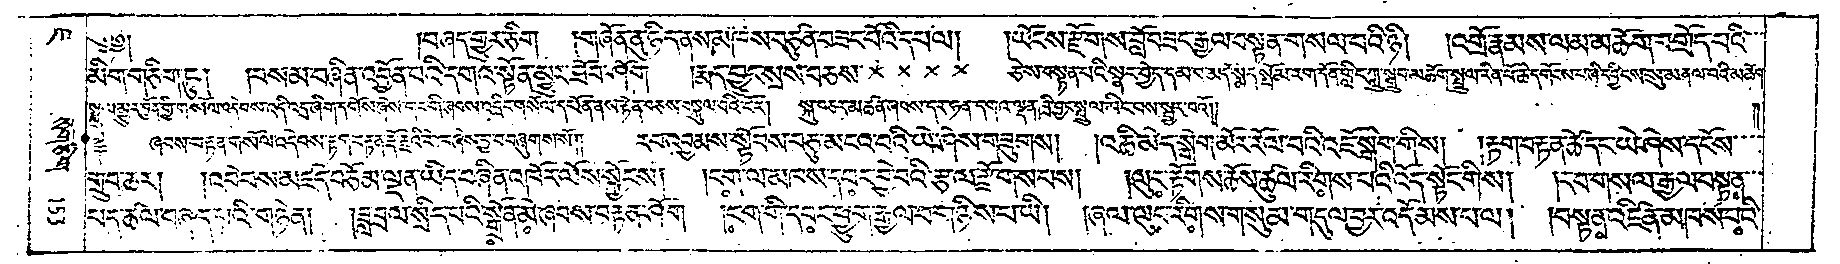༄༅། །བཞད་གྱུར་ཅིག །གཞོན་ནུ་ཉིད་ནས་མཁས་བཙུན་བཟང་པོའི་དཔལ། །ཡོངས་རྫོགས་བློ་བཟང་རྒྱལ་བསྟན་གསལ་བའི་ཉི། །འགྲོ་རྣམས་ལམ་མཆོག་བགྲོད་པའི་
མིག་གཅིག་ཏུ། །བསམ་བཞིན་འབྱོན་པའི་དགའ་སྟོན་མྱུར་ཐོབ་ཤོག །རྨད་བྱུང་སྲས་བཅས་྾་྾་྾་྾་ཅེས་བསྟན་པའི་སྣང་བྱེད་དམ་པ་མདོ་སྨད་སྤོམ་རག་དོན་གླིང་ཀླུ་སྒྲུབ་མཆོག་སྤྲུལ་རིན་པོ་ཆེ་དགོངས་པ་ཞི་དབྱིངས་སུ་མནལ་བའི་མཆོག་
སྤྲུལ་མྱུར་བྱོན་གྱི་གསོལ་འདེབས་འདི་འདྲ་ཞིག་དགོས་ཞེས་གང་གི་ཞབས་འབྲིང་གསོལ་དཔོན་ནས་རྟེན་བཅས་བསྐུལ་བའི་ངོར། སྐུ་བཅར་མཚན་ཞབས་དར་ཧན་དགའ་ལྡན་ཁྲི་བྱང་སྤྲུལ་མིང་པས་སྦྱར་བའོ།། །།
༈ ཞབས་བརྟན་གསོལ་འདེབས་རྟག་བརྟན་རྡོ་རྗེའི་རེ་ཁ་ཞེས་བྱ་བ་བཞུགས་སོ།། རབ་འབྱམས་སྟོབས་བཅུ་མངའ་བའི་ཡེ་ཤེས་གཟུགས། །འཆི་མེད་སྒྲེག་མོར་རོལ་པའི་འཇོ་སྒེག་གིས། །རྟག་བརྟན་ཚེ་དང་ཡེ་ཤེས་དངོས་
གྲུབ་ཆར། །འབེབས་མཛད་བཅོམ་ལྡན་ཡིད་བཞིན་འཁོར་ལོས་སྐྱོངས། །ངག་ལ་མཁས་དབང་བྱེ་བའི་རྩལ་རྫོགས་པས། །ལུང་རྟོགས་ཆོས་ཚུལ་རིགས་པའི་འོད་སྟོང་གིས། །རབ་གསལ་རྒྱལ་བསྟན་
པད་ཚལ་བཞད་པའི་གཉེན། །ཟླ་བྲལ་སྲིད་པའི་སྒྲོན་མེ་ཞབས་བརྟན་ཤོག །ངག་གི་དབང་ཕྱུག་རྒྱལ་བ་གཉིས་པ་ཡི། །ཞལ་ལུང་རིགས་གསུམ་གདུལ་བྱར་འདོམས་པ་ལ། །བསྟན་འཛིན་མཁས་པའི་